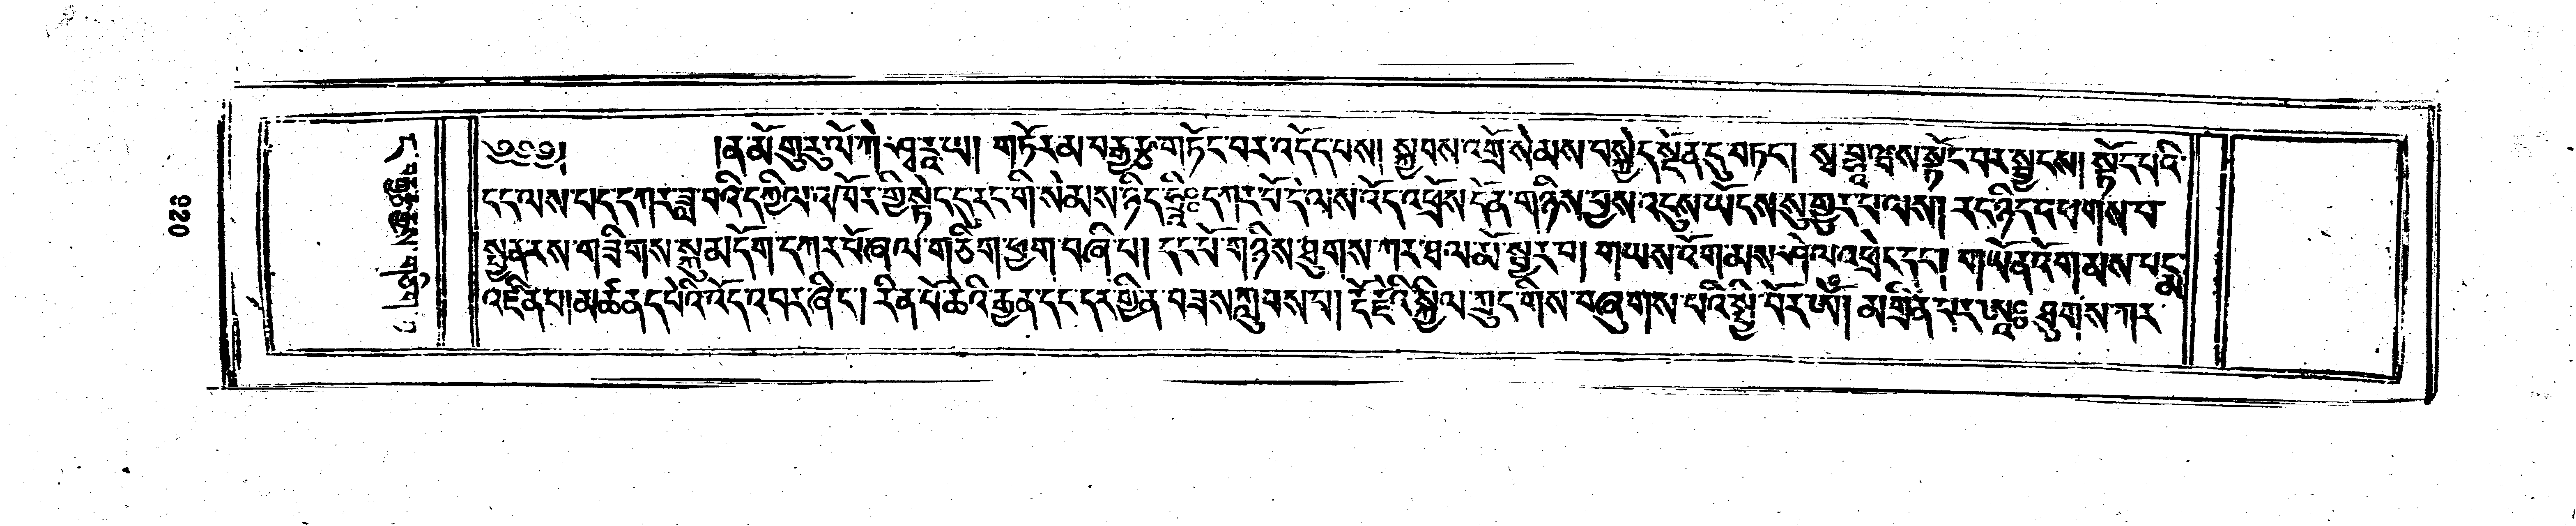༄༅༅། །ན་མོ་གུ་རུ་ལོ་ཀེ་ཤྭ་རཱཡ། གཏོར་མ་བརྒྱ་རྩ་གཏོང་བར་འདོད་པས། སྐྱབས་འགྲོ་སེམས་བསྐྱེད་སྔོན་དུ་བཏང་། སྭ་བྷཱ་ཝས་སྟོང་པར་སྦྱངས། སྟོང་པའི་
ངང་ལས་པད་དཀར་ཟླ་བའི་དཀྱིལ་འཁོར་གྱི་སྟེང་དུ་རང་གི་སེམས་ཉིད་ཧྲཱིཿ དཀར་པོ་དེ་ལས་འོད་འཕྲོས་དོན་གཉིས་བྱས་འདུས་ཡོངས་སུ་གྱུར་པ་ལས། རང་ཉིད་འཕགས་པ་
སྤྱན་རས་གཟིགས་སྐུ་མདོག་དཀར་པོ་ཞལ་གཅིག་ཕྱག་བཞི་པ། དང་པོ་གཉིས་ཐུགས་ཀར་ཐལ་མོ་སྦྱར་བ། གཡས་འོག་མས་ཤེལ་འཕྲེང་དང་། གཡོན་འོག་མས་པདམ་
འཛིན་པ། མཚན་དཔེའི་འོད་འབར་ཞིང་། རིན་པོ་ཆེའི་རྒྱན་དང་དར་གྱི་ན་བཟས་ཀླུབས་པ། རྡོ་རྗེའི་སྐྱིལ་ཀྲུང་གིས་བཞུགས་པའི་སྤྱི་བོར་ཨོཾ། མགྲིན་པར་ཨཱཿ ཐུགས་ཀར་